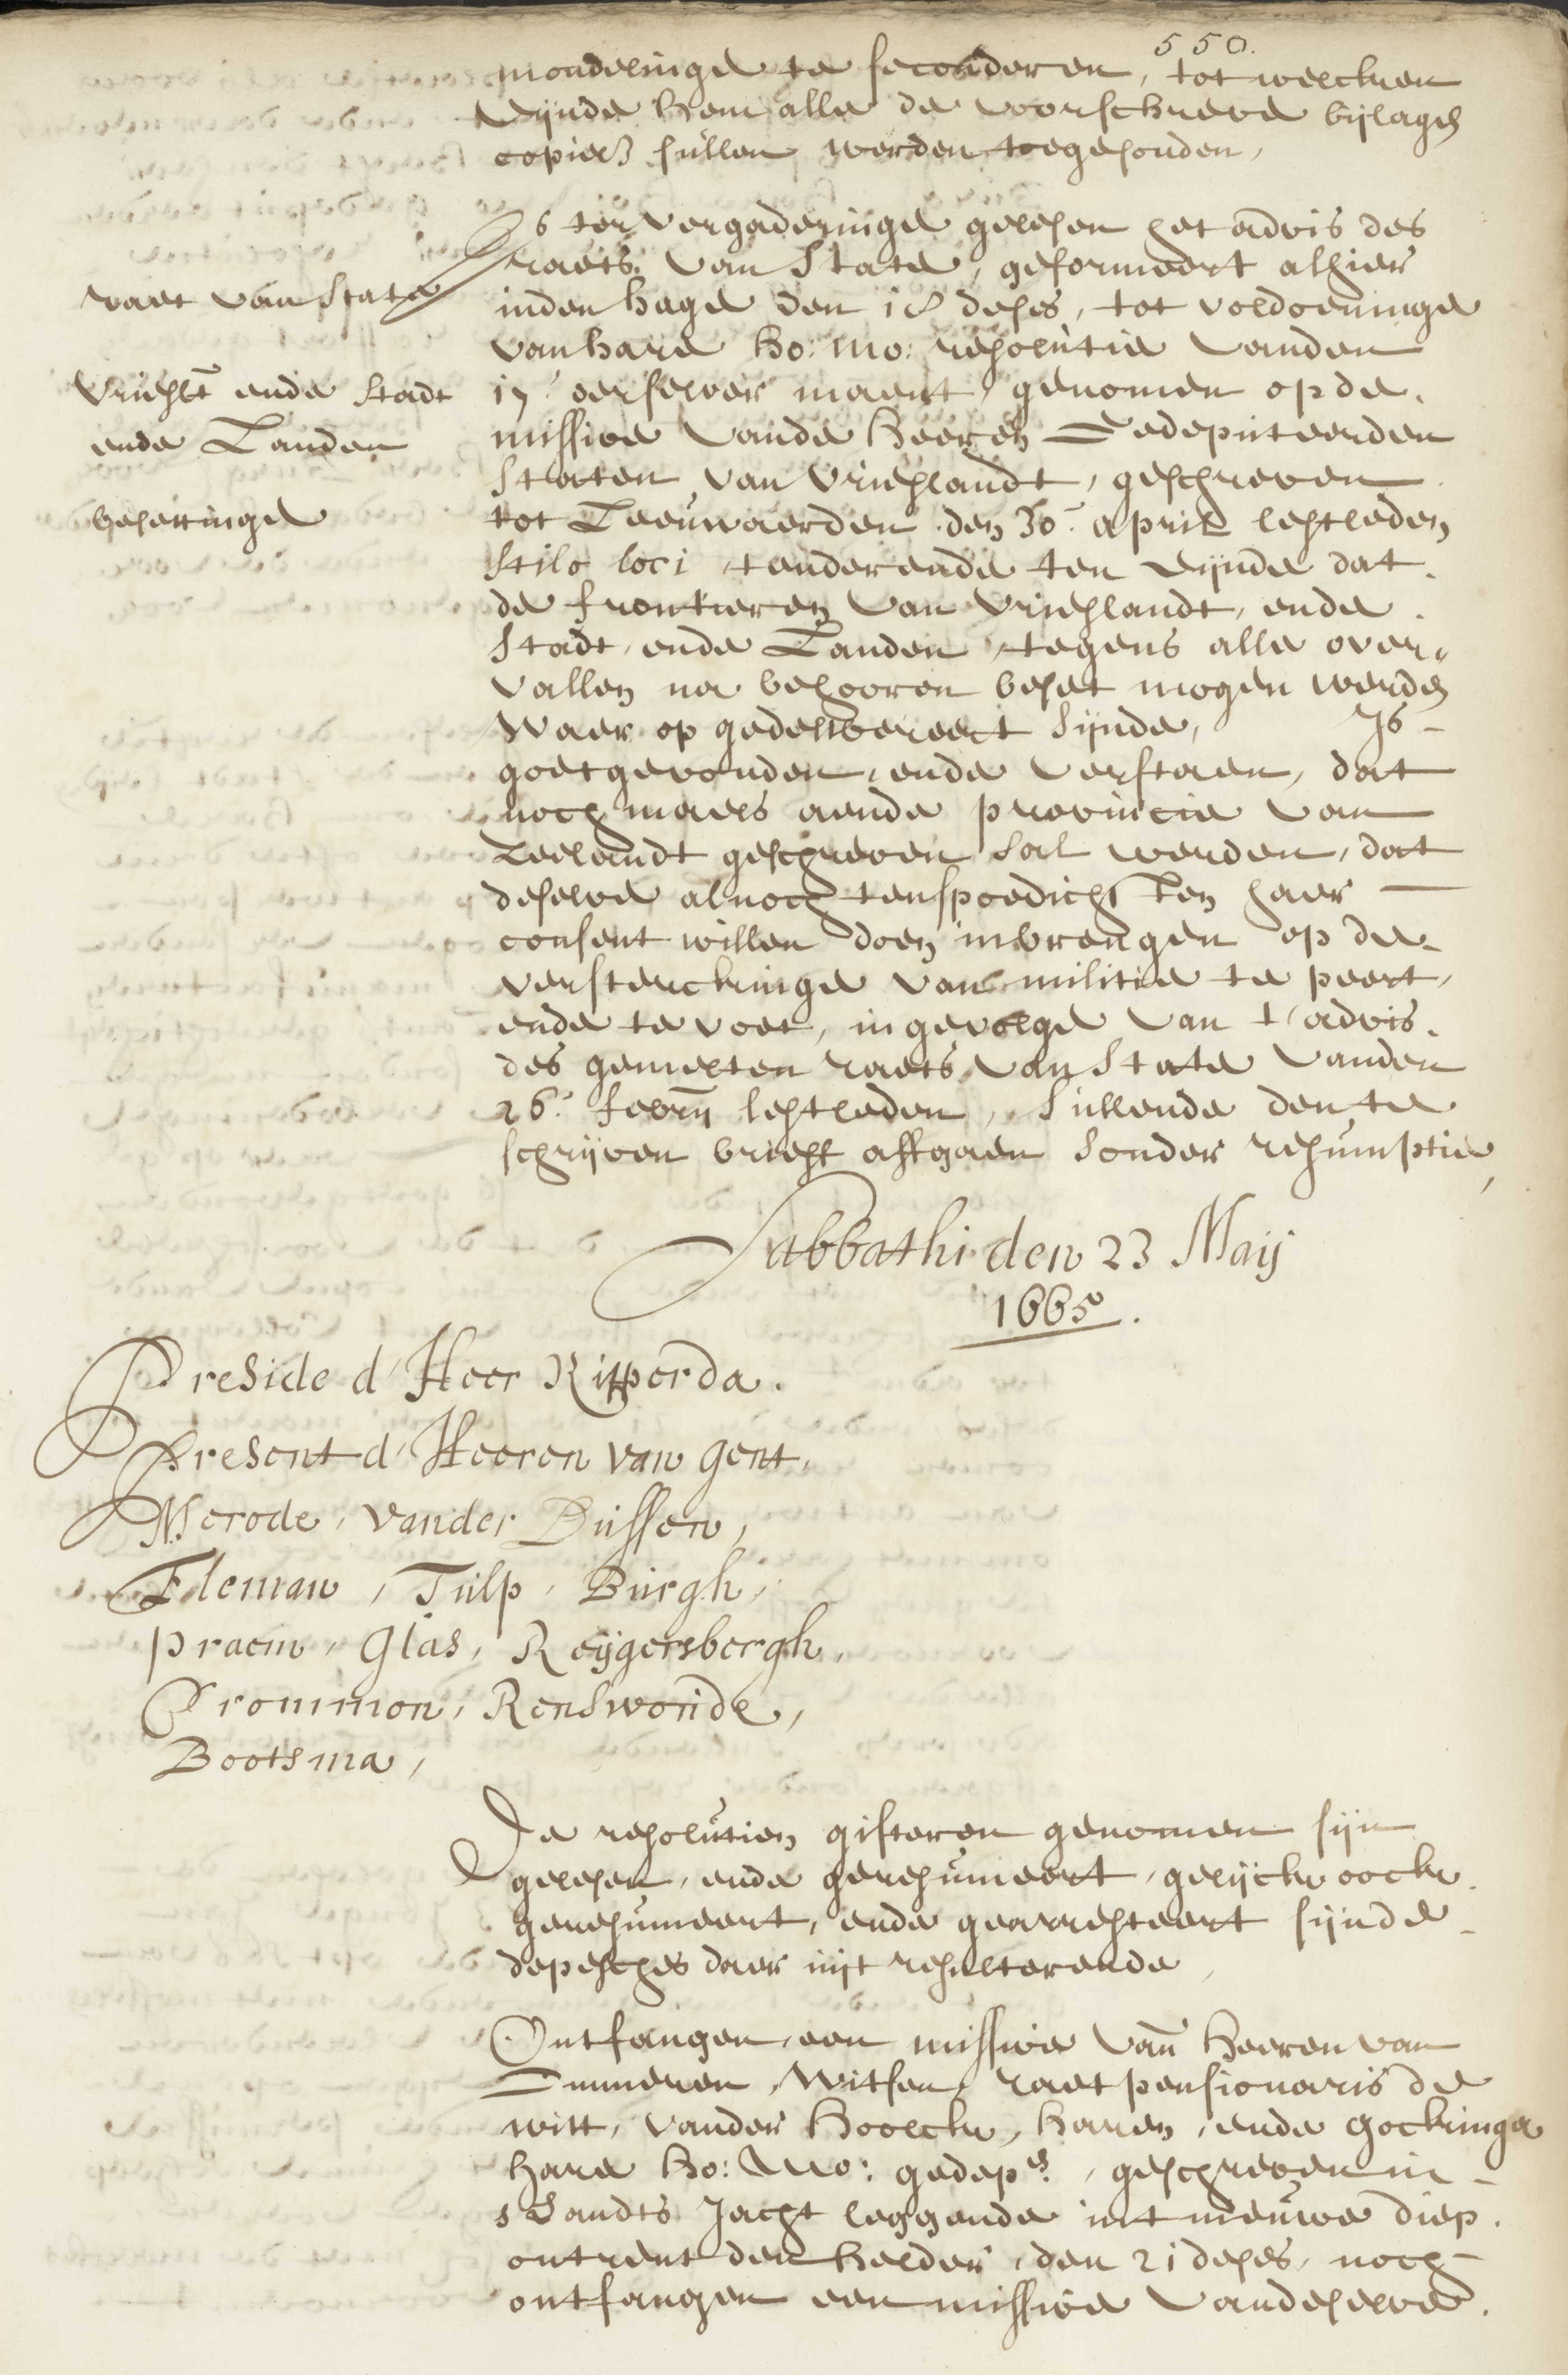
550.
mondelinge te seconderen, tot welcken
Eijnde Hem alle de voorschreve bijlagen
copiel sullen werden toegesonden.
raet van State
Vrieslt ende Stadt
ende Landen
besettinge
Is ter vergaderinge gelesen het advis des
raets van State, geformeert alhier
inden hage den 18 deses, tot voldoeninge
van hare Ho:Mo: resolutie vanden
17’. derselver maent genomen op de
missive vande Heeren Gedeputeerden
Staten van Vrieslandt, geschreven
tot Leeuwaerden, den 30e. april lestleden
stilo loci, tenderende ten eijnde dat
de frontieren van Vrieslandt, ende
Stadt, ende Landen tegens alle over„
vallen na behooren beset mogen werden
Waer op gedelibereect sijnde, Is —
goetgevonden, ende verstaen, dat
noch maels aende provincie van
Zeelandt geschreven sal werden, dat
deselve alnoch ten spoedichsten haer
consent willen doen inbrengen op de
versterckinge van militie te peert,
ende te voet, ingevolge van t'advis,
des gemelten raets van State vanden
26e. febry lestleden, Sullende den te
schrijven brieff affgaen sonder resumptie.
Sabbathi den 23 Maij
1665.
Preside d' Heer Ripperda.
Present d'Heeren van Gent,
Merode, vander Dussen,
Fleman, Tulp, Burgh,
Praem, Glas, Reijgersbergh,
Crommon, Renswoude,
Bootsma.
De resolutien gisteren genomen sijn
gelesen, ende geresumeert, gelijck oock.
geresumeert, ende gearresteert sijn de,
depesches daer uijt resulterende.
Ontfangen, een missive van Heeren van
Ommeren, Witsen, raetpensionaris de
witt, vander Hoolck, Haren, ende Gockinga
hare Ho:Mo: gedepen., geschreven in
sLandts Jacht leggende int nieuwe diep.
ontrent den helder, den 21 deses, noch
ontfangen een missive van deselve
